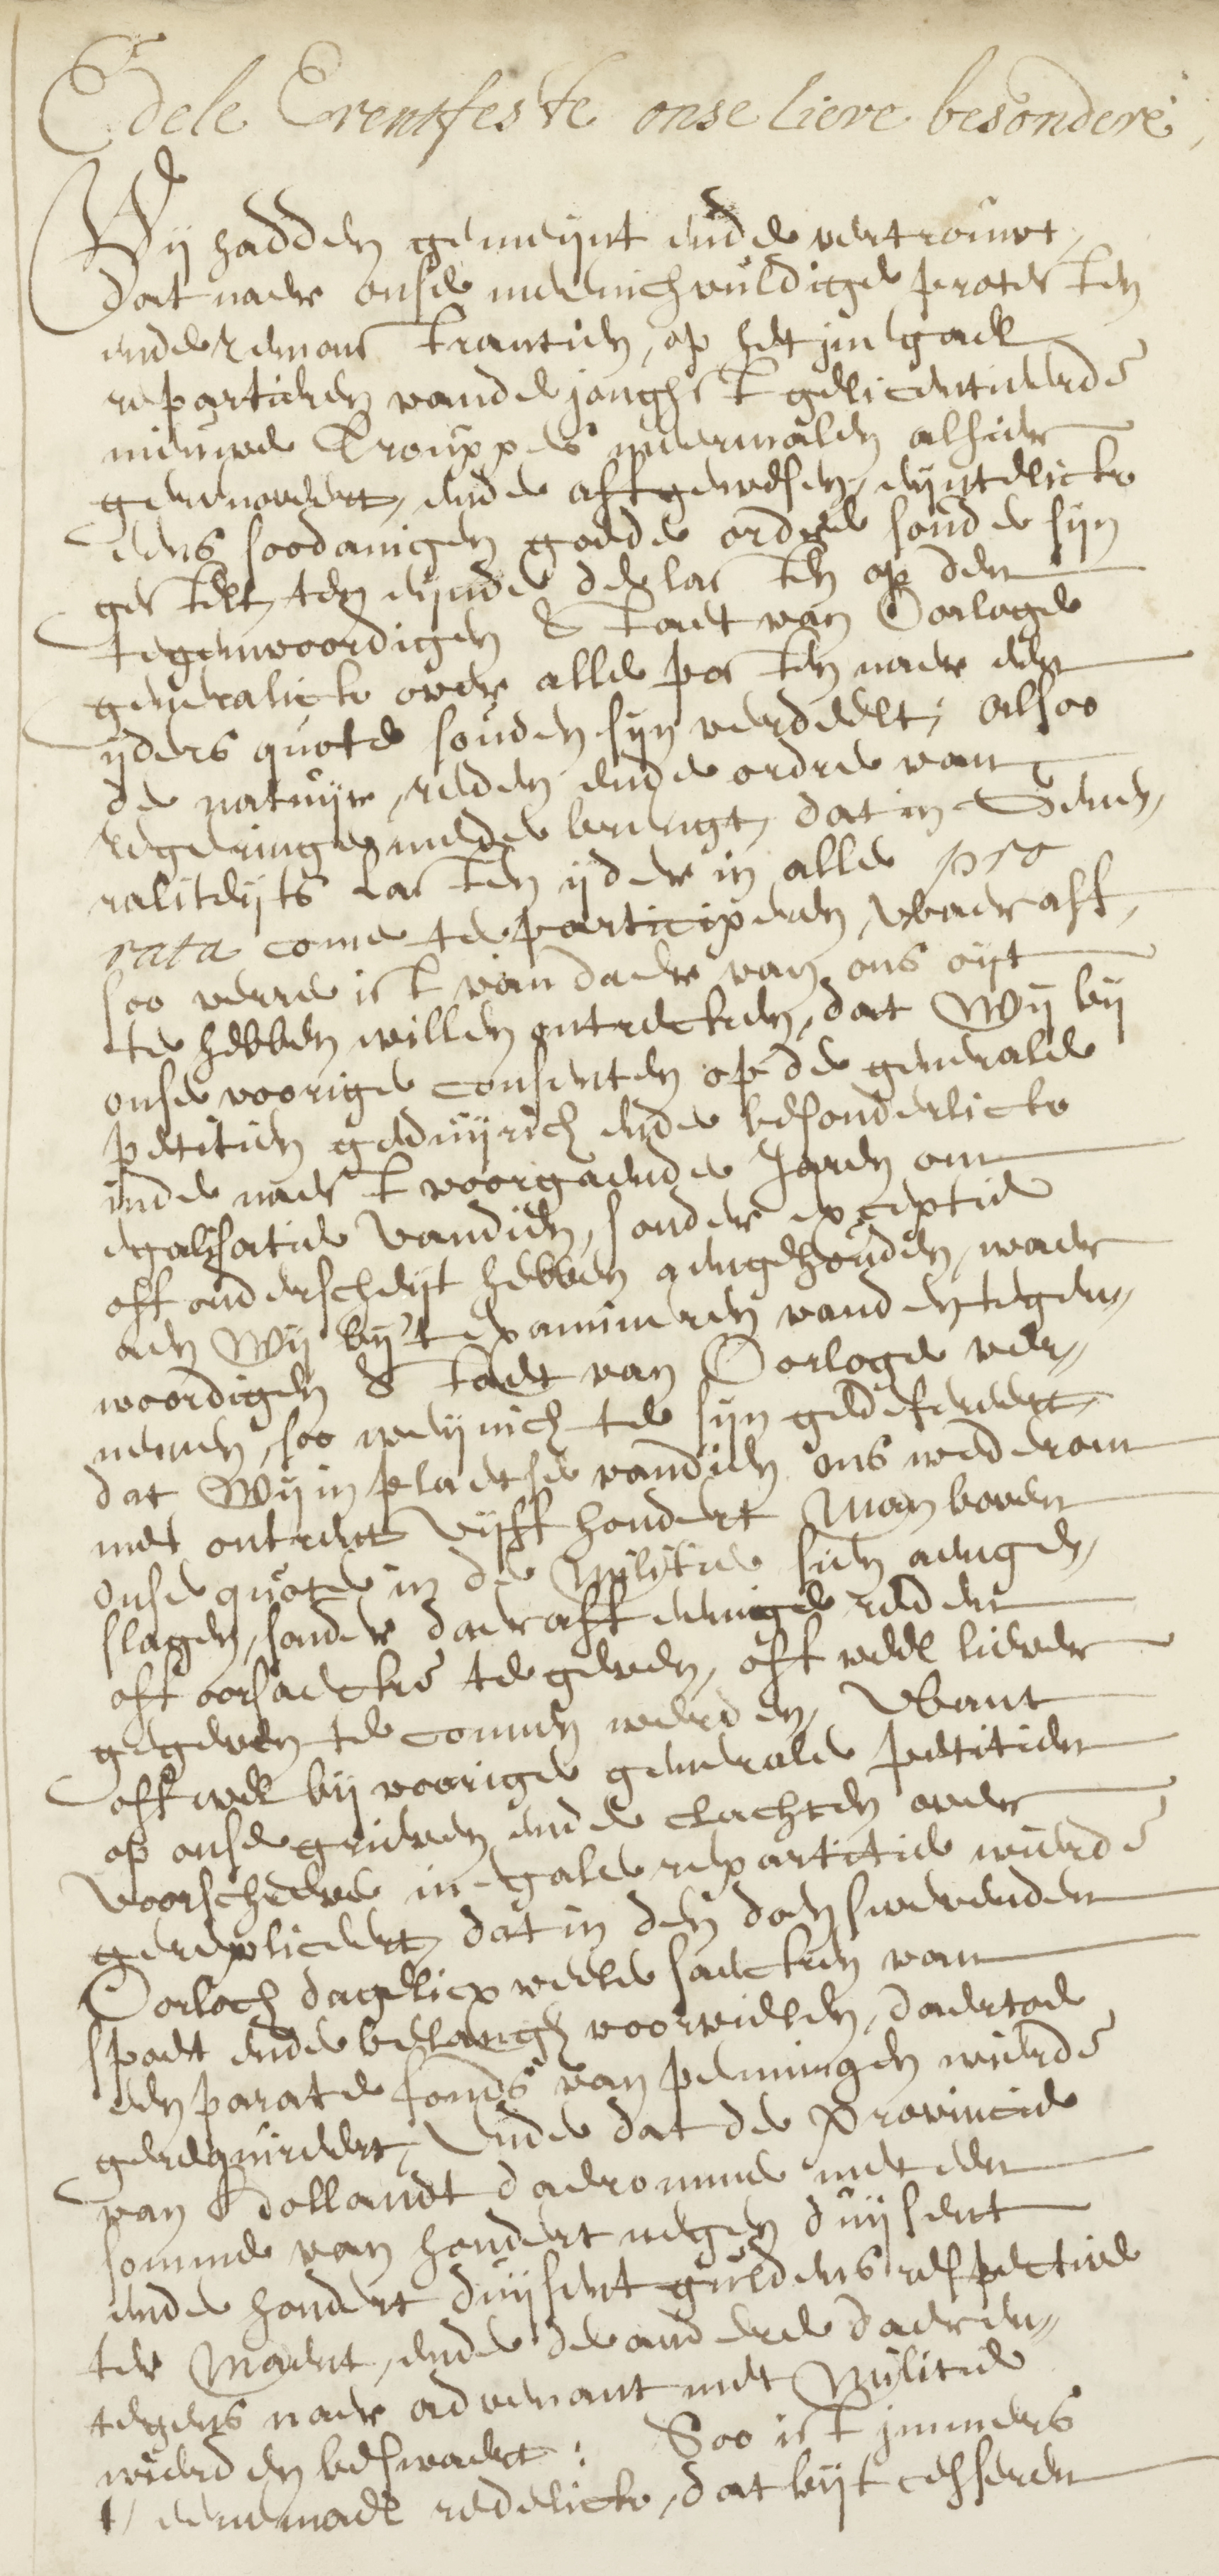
Edele Erentfeste onse lieve besondere,
Wij hadden gemeijnt ende vertrouwt
dat naer onse meenichvuldige protesten
ende remonstrantien, op het inegael
repartieren vande jonghst gelicentieerde
nieuwe Trouppes meermalen alhier
gerenoveert, ende affgewesen, eijntelick
eens soodanigen goede ordre soude sijn
gestelt, ten eijnde de lasten op den
tegenwoordigen Staet van Oorloge
generalick over alle posten naer een
ijders quote souden sijn verdeelt; alsoo
de natuijr, reden ende ordre van
regeringe mede brengt, dat in Gene„
raliteijts lasten ijder in alle pro
rata come te participeren, waeraff,
soo verre ist van daer van ons oijt
te hebben willen ontrecken, dat Wij bij
onse voorige consenten op de generale
petitien geduijrich ende besonderlick
inde naest voorgaende Jaren om
egalisatie vandien, sonder exceptie
off onderscheijt hebben aengehouden, waer
aen Wij bij 't examineren vanden tegen„
woordigen Staet van Oorloge ver„
nemen, soo weijnich te sijn gedefereert,
dat Wij in plaetse vandien ons wederom
met ontrent vijff hondert Man boven
onse quote in de Militie sien aenge„
slagen, sonder daeraff eenige reden
off oorsaecke te geven, off veel liever
gegeven te connen werden, want
off wel bij voorige generale petitien
op onse grieven ende clachten over
voorschreve inegale repartitie wierde
gerepliceert, dat in den doen swevenden
Oorloch dagelicx veele saecken van
spoet ende belangh voorvielen, daertoe
een parate fonds van penningen wierde
gereguireert, Ende dat de Provincie
van Hollandt daeromme met een
somme van hondert negen duijsent
ende hondert duijsent guldens respective
ter maent, ende de andere daeren„
tegens naer advenant met Militie
wierden beswaert: Soo ist immers
t'eenemael redelick, dat bij t cesseren
